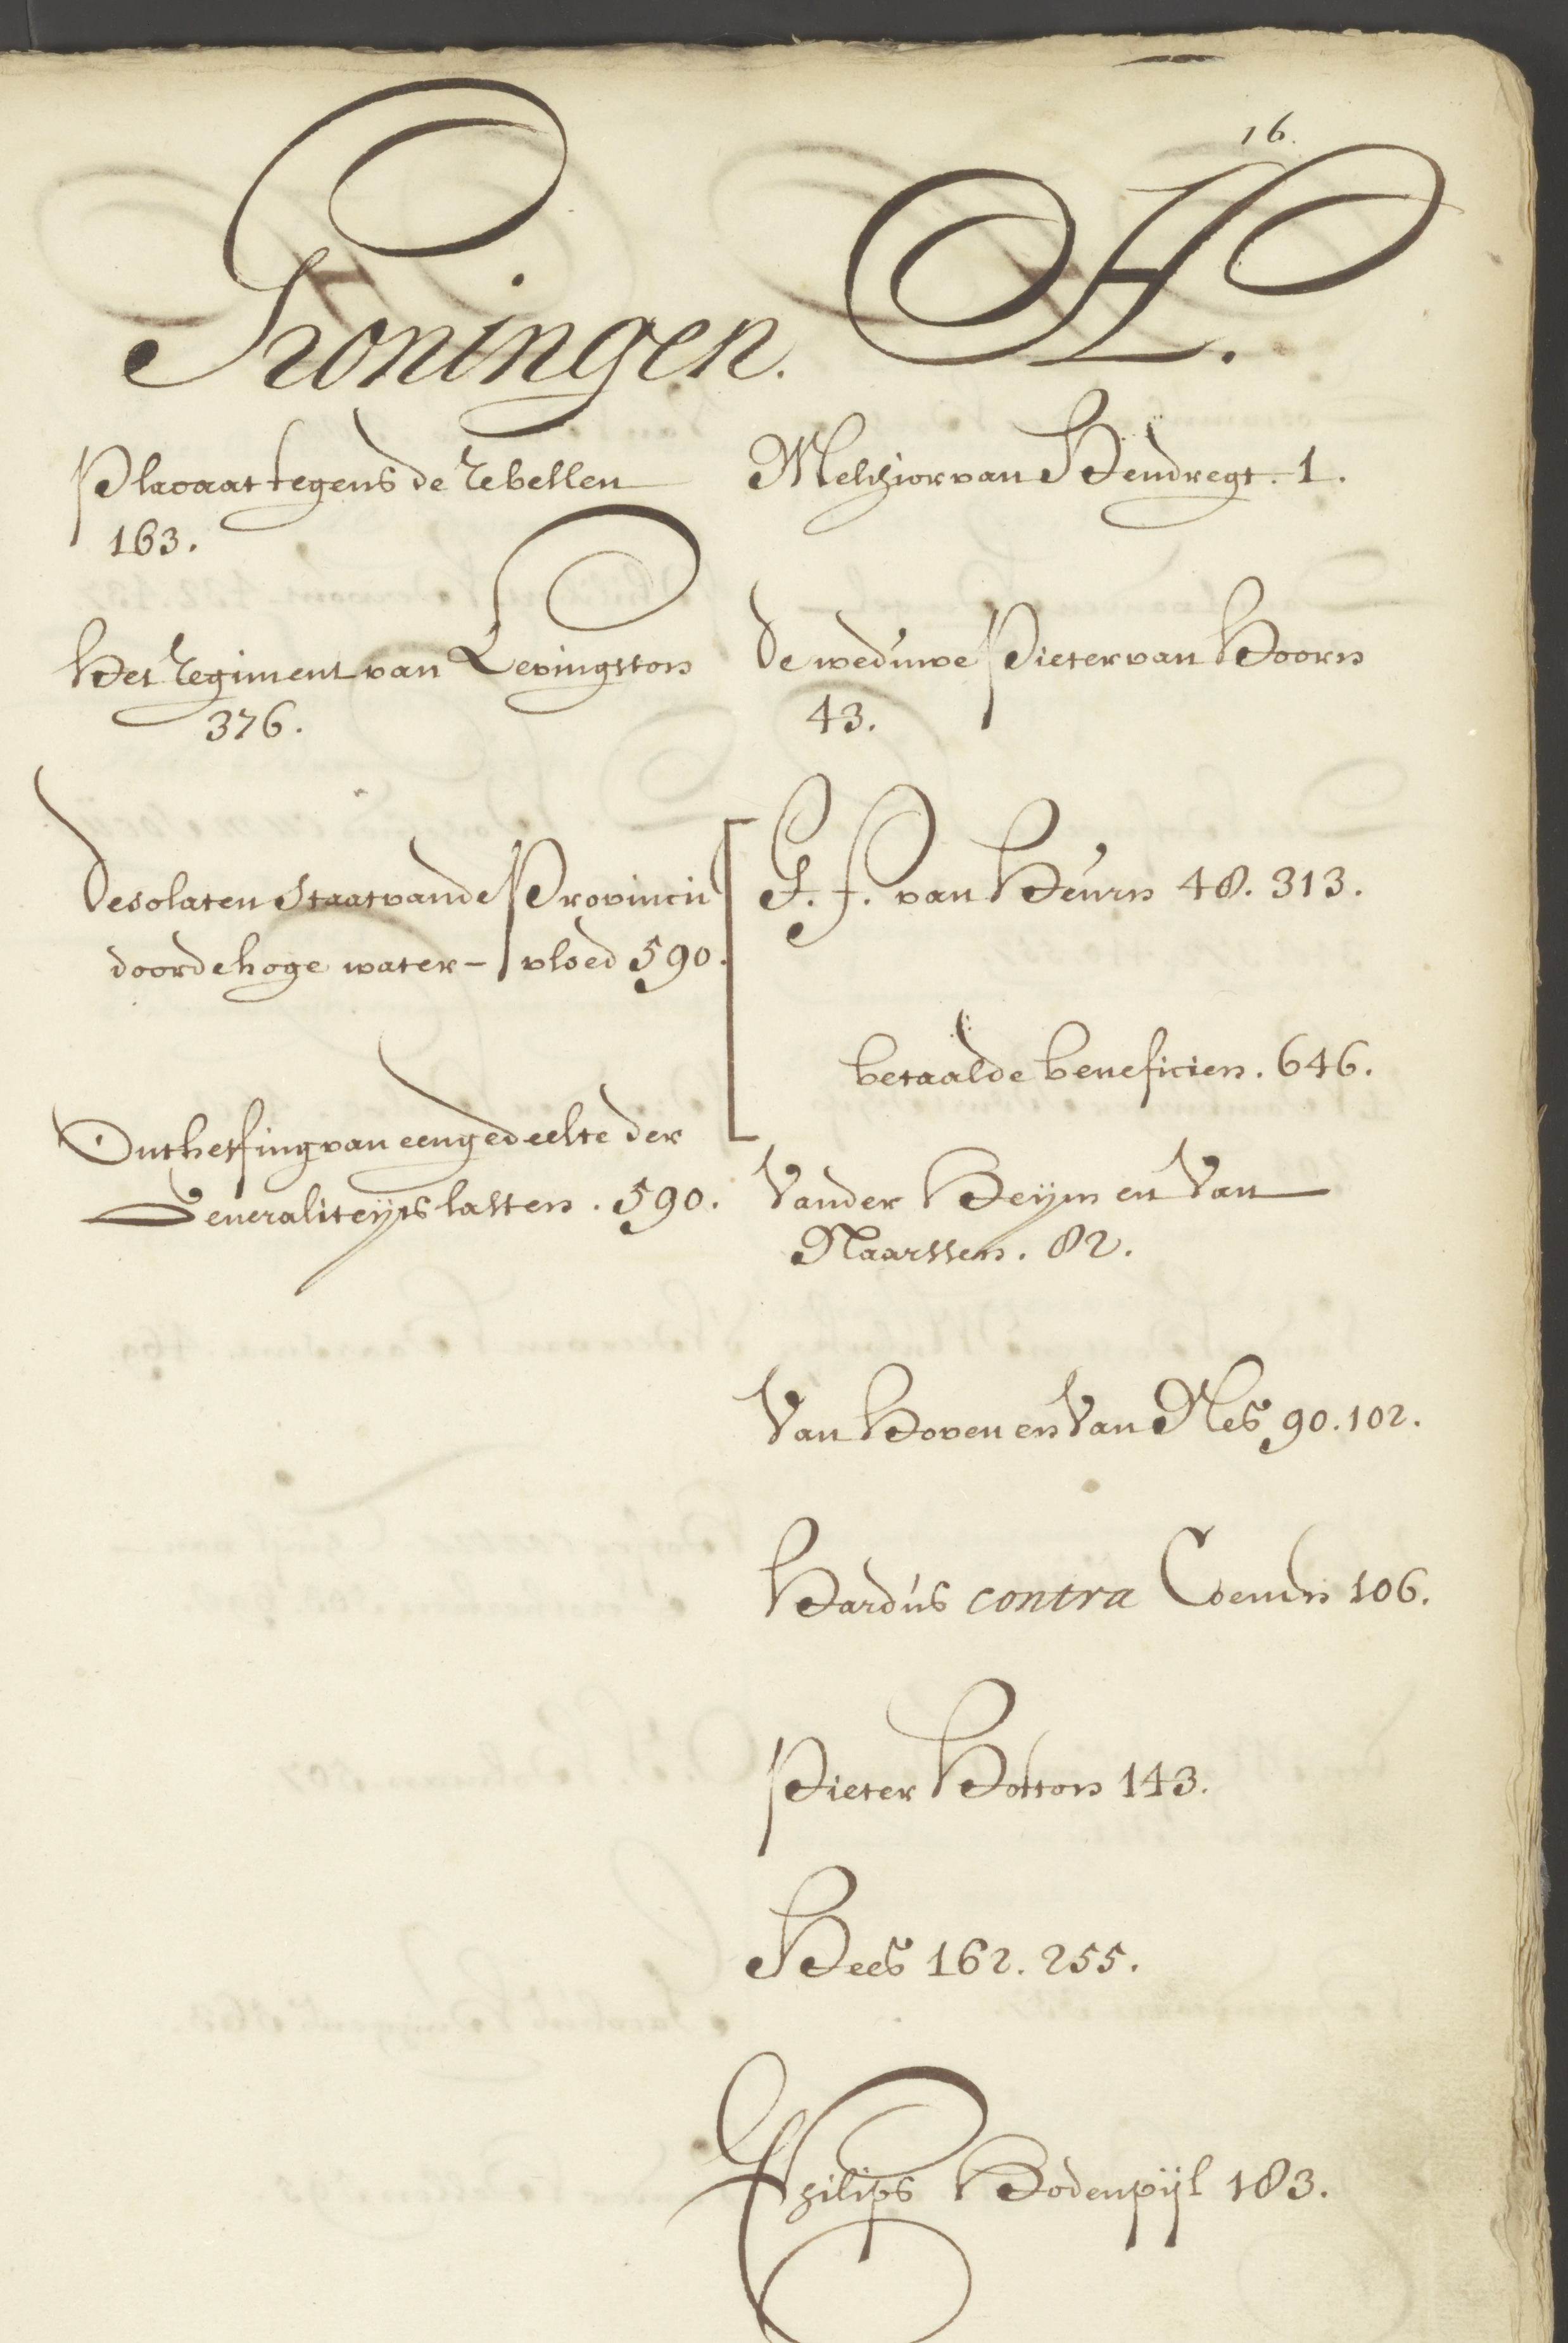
16.
Groningen.
Placaat tegens de rebellen
163.
het regiment van Levingston
376.
desolaten Staat vande Provincie
door de hoge water- vloed 590.
Ontheffing van een gedeelte der
Generaliteijts lasten, 590.
H.
Melchior van Hendregt, 1.
de weduwe Pieter van Hoorn
43.
G.F. van Heurn 48, 313.
betaalde beneficien, 646.
Vander Heijm en Van
Maarssen, 82.
van Hoven en Van Mes, 90. 102.
Hardus contra Coenen 106.
Pieter Hotton 143.
Hees 162, 255.
Philips Hodenpijl 183.
